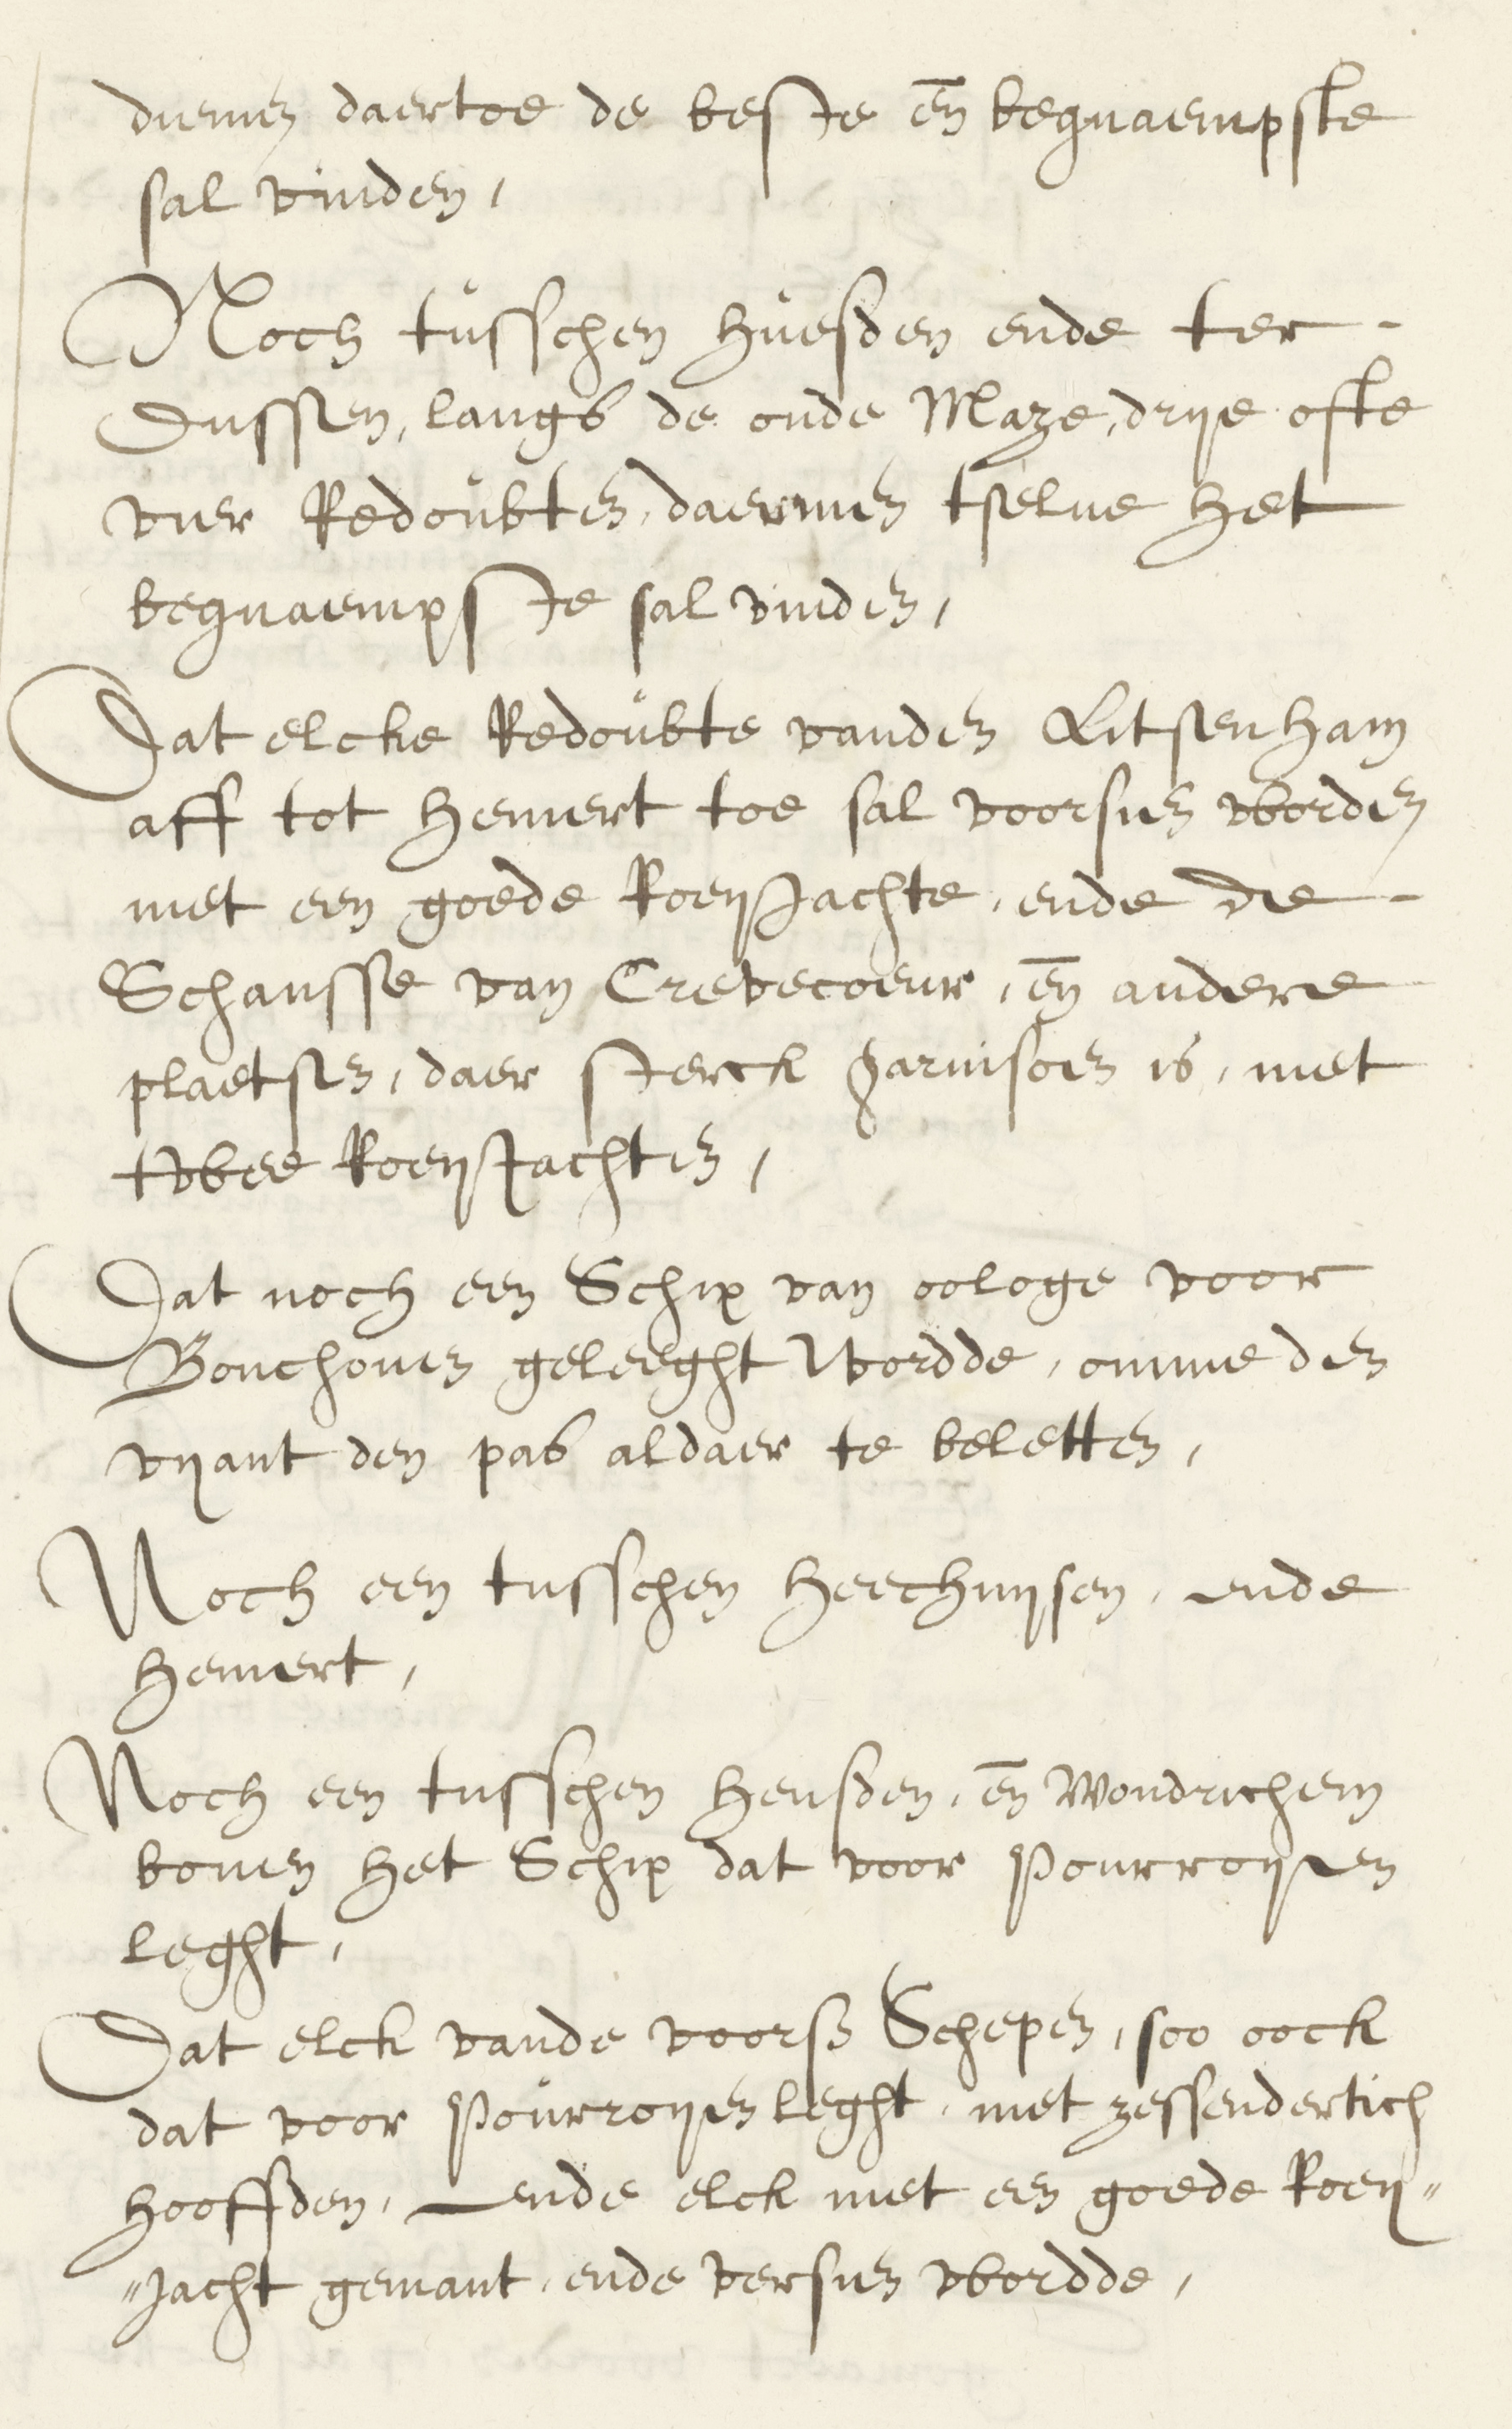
diemen daertoe de beste en bequaempste
sal vinden.
Noch tusschen Huesden ende ter
Dussen, langs de oude Maze, drye ofte
vier Redoubten daermen tselue het
bequaempste sal vinden.
Dat elcke Redoubte vanden Litsenham
aff tot Hemert toe sal voorsien worden
met een goede Roeyjachte ende die
Schansse van Crevecoeur, en andere
plaetsen, daer sterck garnisoen is, met
twee Roeyjachten.
Dat noch een schip van oologe voor
Bouchoven geleeght wordde, omme den
vyant den pas aldaer te beletten.
Noch een tusschen Heechuijsen ende
Hemert.
Noch een tusschen Heusden, en Woudrichem
bouen het Schip dat voor Pourroyen
leght.
Dat eck vande voors schepen, soo oock
dat voor Pourroyen leght, met zessendertich
hooffden, ende elck met een goede Roey„
jacht gemant ende versien wordde.
